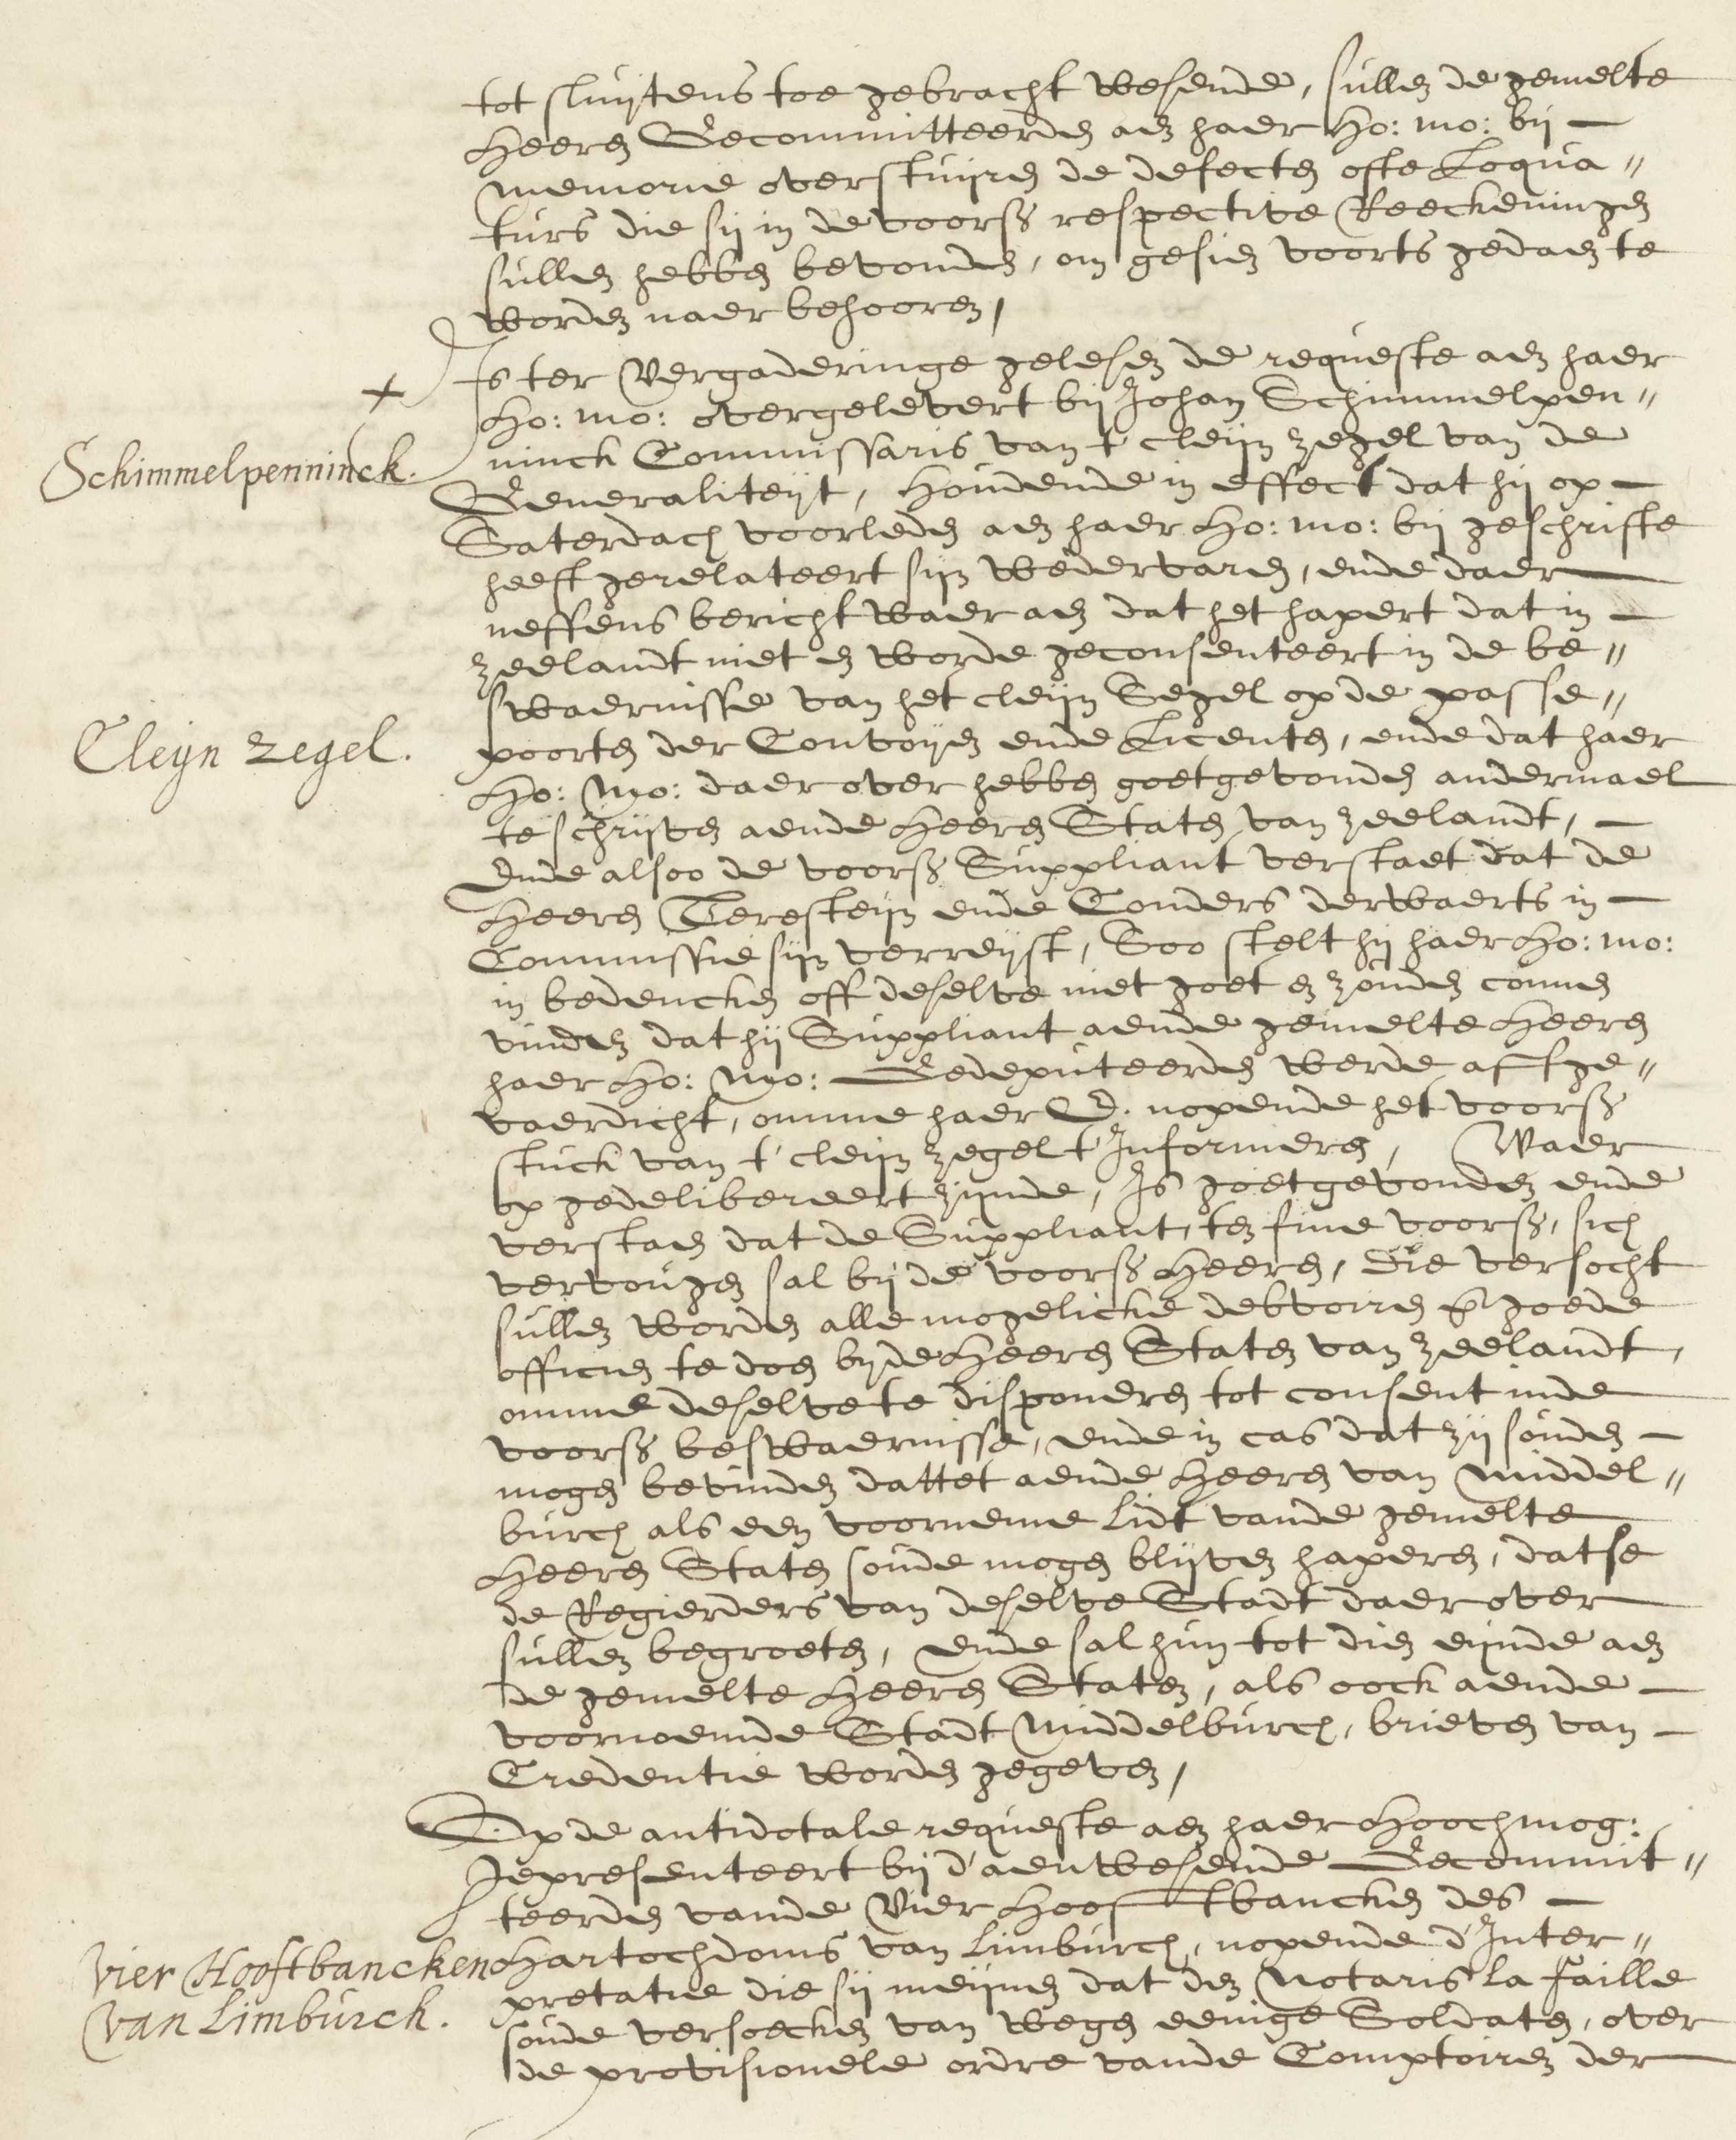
tot sluijtens toe gebracht wesende, sullen de gemelte
heeren Gecommitteerden aen haer Ho:mo: bij —
memorie overstuijren de defecten ofte Loqua„
turs die sij in de voors respective Reeckeningen
sullen hebben bevonden, om gesien voorts gedaen te
worden naer behooren.
Schimmelpenninck.
Cleijn zegel.
Is ter Vergaderinge gelesen de requeste aen haer
Ho:mo: overgelevert bij Johan Schimmelpen„
ninck Commissaris van t'cleijn zegel van de
Generaliteijt, houdende in effect dat hij op —
Saterdach voorleden aen haer Ho:Mo: bij geschrifte
heeft gerelateert sijn wedervaren, ende daer
neffens bericht waer aen dat het hapert dat in —
zeelandt niet en worde geconsenteert in de be„
swaernisse van het cleijn Segel op de passe„
poorten der Convoijen ende Licenten, ende dat haer
Ho:Mo: daer over hebben goetgevonden andermael
te schrijven aende heeren Staten van zeelandt.
Ende alsoo de voors Suppliant verstaet dat de
heeren Teresteijn ende Conders derwaerts in -
Commissie sijn verreijst, Soo stelt hij haer Ho:mo:
in bedencken off deselve niet goet en zouden connen
vinden dat hij Suppliant aende gemelte heeren
haer Ho:Mo: Gedeputeerden werde affge„
vaerdicht, omme haer E. nopende het voors
stuck van t'cleijn zegel t‛ Informeren. Waer
op gedelibereert zijnde, Is goetgevonden ende
verstaen dat de Suppliant, ten fine voors, sich
vervougen sal bij de voors heeren, die versocht
sullen worden alle mogelicke debvoiren & goede
officien te doen byde Heeren Staten van zeelandt,
omme deselve te disponeren tot consent inde
voors beswaernisse, ende in cas dat zij souden —
mogen bevinden dattet aende heeren van middel„
burch als een voorneme Lidt vande gemelte
Heeren Staten soude mogen blijven haperen, datse
de Regierders van deselve Stadt daer over
sullen begroeten, ende sal hun tot dien eijnde aen
de gemelte Heeren Staten, als oock aende
voornoemde Stadt Middelburch, brieven van
Credentie worden gegeven.
vier Hooftbancken
van Limburch.
Op de antidotale requeste aen haer Hoochmog:
gepresenteert bij d'aenwesende Gecommit„
teerden vande Vier Hooftbancken des
Hartochdoms van Limburch, nopende d‛ Inter„
pretatie die sij meijnen dat den notaris la Faille
soude versoecken van wegen eenige Soldaten, over
de provisionele ordre vande Comptoiren der
